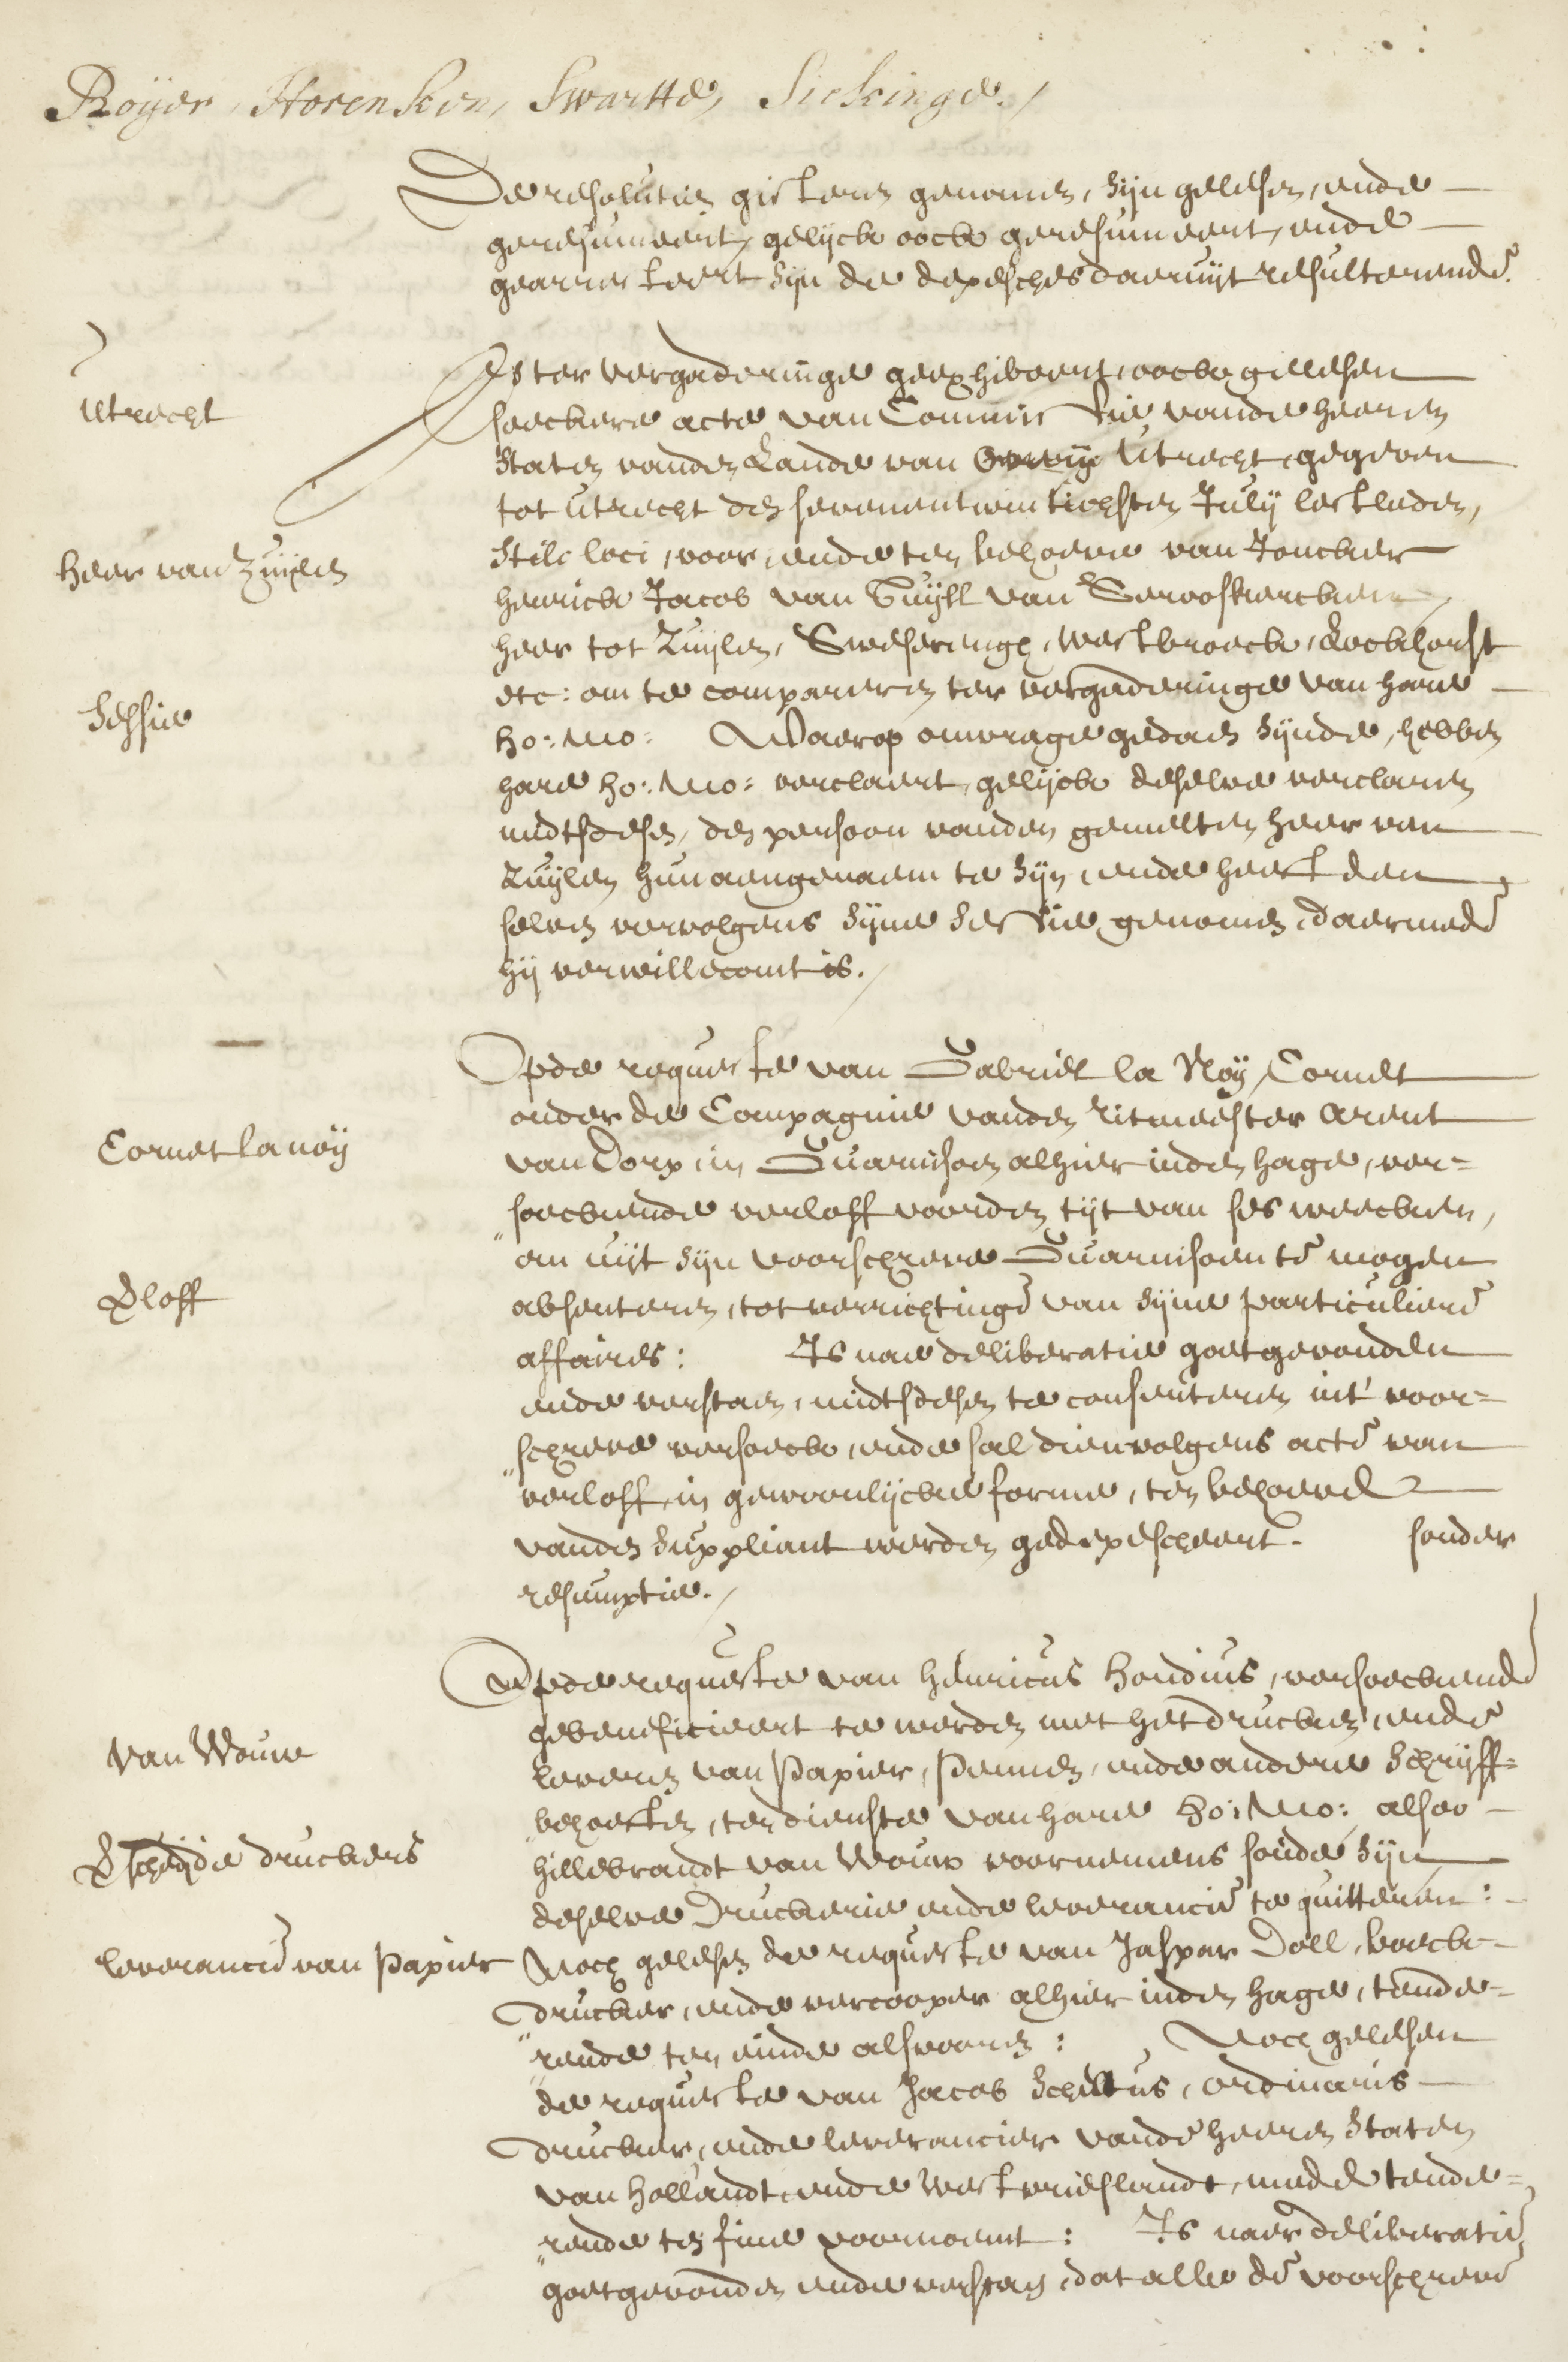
Roijer, Horenken, Swartte, Sickinge.
De resolutien gisteren genomen, sijn gelesen, ende
geresumeert, gelijck oock geresumeert, ende
gearresteert sijn de depesches daeruijt resulterende.
Utrecht
heer van Zuijlen
Sessie
Is ter vergaderinge geexhibeert, oock gelesen
seeckere acte van Commissie vande heeren
Staten vanden Lande van Overij Utrecht, gegeven
tot utrecht den sevenentwintichsten Julij lestleden,
stilo loci, voor ende ten behoeve van Joncker
henrick Jacob van Tuijll van Serooskercken,
heer tot Zuijlen, Sweserenge, Westbroeck, Lockhorst
etc: om te compareren ter vergaderinge van hare
ho:mo: Waerop omvrage gedaen sijnde, hebben
hare ho:mo verclaert, gelijck deselve verclaren
midtsdesen, den persoon vanden gemelten heer van
Zuijlen hun aengenaem te sijn, ende heeft den
selven vervolgens sijne sessie genomen, daermede
hij verwillecomt is.
Cornet la noij
Vloff
Opde requeste van Gabriel la Noij, Cornet
onder de Compagnie vanden ritmeester Arent
van Dorp in Guarnisoen alhier inden hage, ver=
„soeckende verloff voorden tijt van ses weecken,
om uijt sijn voorschreve Guarnisoen te mogen
absenteren, tot verrichtinge van sijne particuliere
affaires: Is nae deliberatie goetgevonden
ende verstaen, midtsdesen te consenteren int' voor=
„schreve versoeck, ende sal dienvolgens acte van
verloff, in gewoonlijcken forme, ten behoeve
vanden Suppliant werden gedepescheert. sonder
resumptie.
van Wouw
Vscheijde druckers
leverancie van Papier
Opde requeste van henricus hondius, versoeckende
gebeneficieert te werden met het drucken, ende
leveren van Papier, Pennen, ende andere schrijff=
„behoeften, ten dienste van hare ho:mo: alsoo -
hillebrandt van Wouw voornemens soude sijn
deselve Druckerie ende leveancie te quitteren:
Noch gelesen de requeste van Jaspar Doll, boeck„
„drucker, ende vercooper alhier inden hage, tende=
,,rende ten einde alsvooren: Noch gelesen
de requeste van Jacob Scheltus, ordinaris
drucker, ende leverancier vande heeren Staten
van hollandt, ende Westvrieslandt, mede tende=
„rende ten fine voornoemt: Is naer deliberatie
goetgevonden ende verstaen, dat alle de voorschreve
